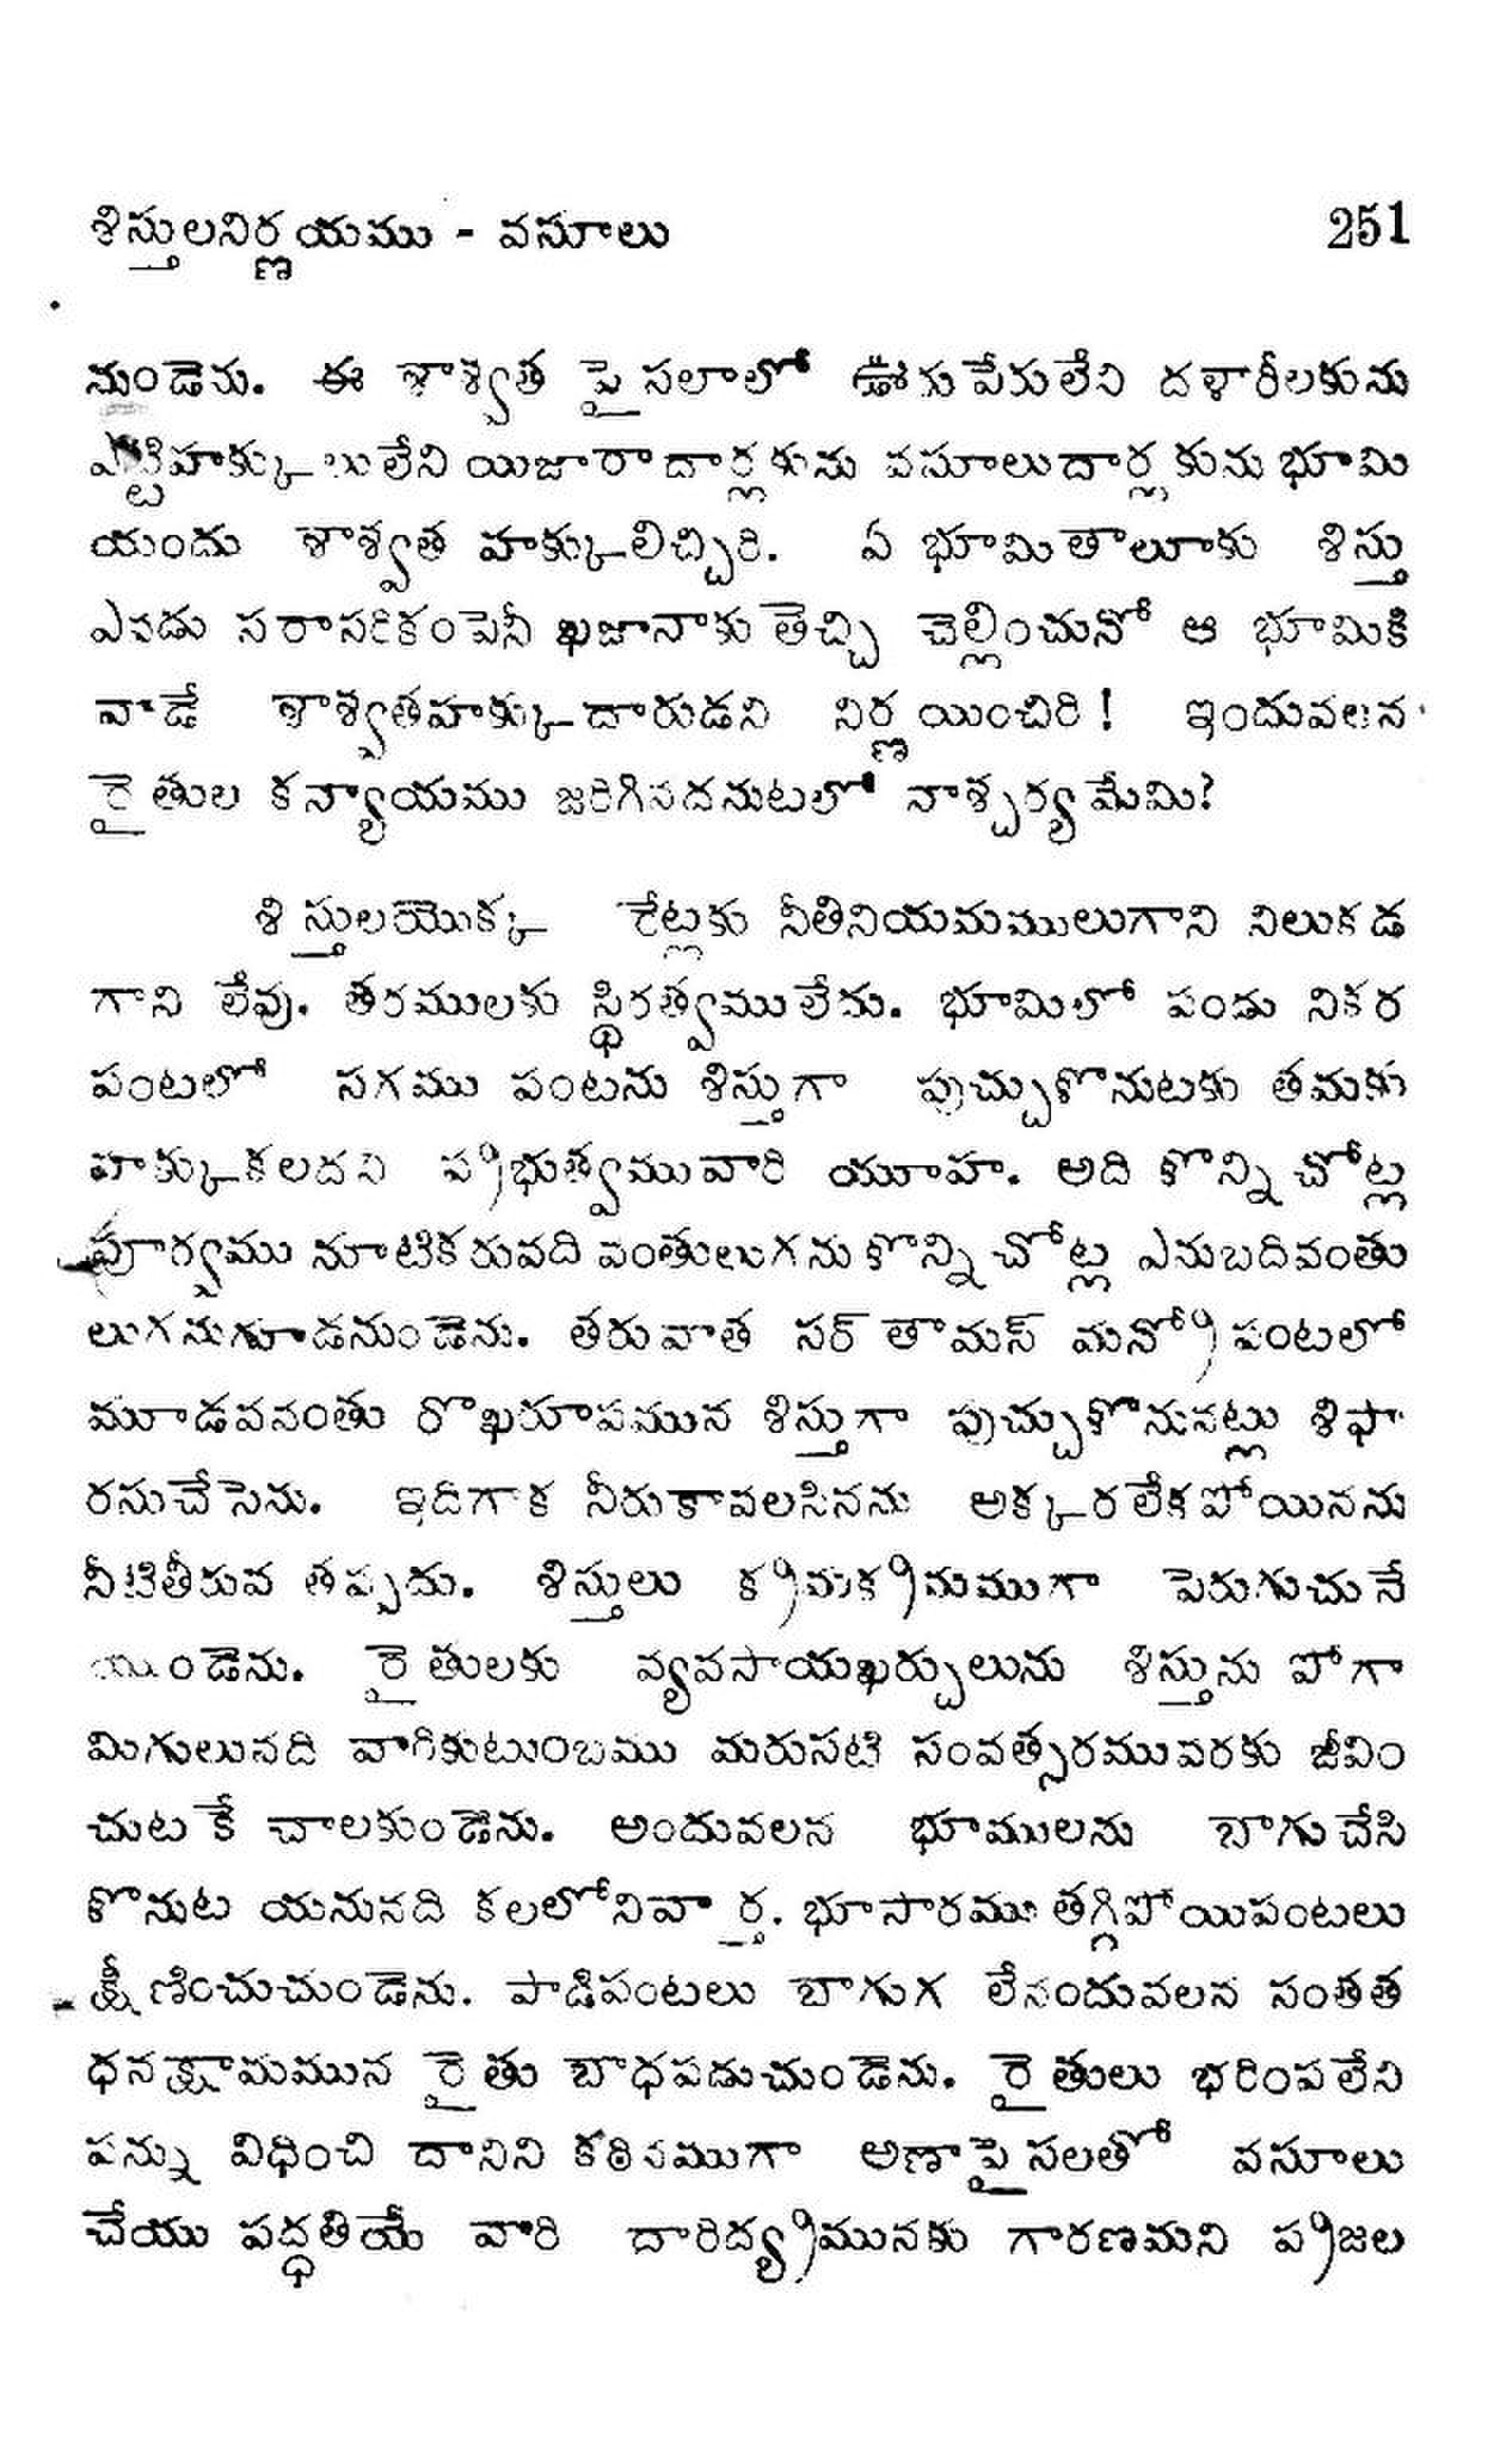నుండెను. ఈ శాశ్వత పైసలాలో ఊరుపేరులేని దళారీలకును ఎట్టిహక్కులులేని యిజారాదార్లకును వసూలుదార్లకును భూమియందు శాశ్వతహక్కులిచ్చిరి. ఏ భూమితాలూకు శిస్తు ఎవడు సరాసరికంపెనీ ఖజానాకుతెచ్చి చెల్లించునో ఆ భూమికి వాడే శాశ్వతహక్కుదారుడని నిర్ణయించిరి ! ఇందువలన రైతుల కన్యాయము జరిగినదనుటలో నాశ్చర్యమేమి?

శిస్తులయొక్క రేట్లకు నీతినియమములుగాని నిలుకడగాని లేవు. తరములకు స్థిరత్వములేదు. భూమిలో పండు నికరపంటలో సగము పంటను శిస్తుగా పుచ్చుకొనుటకు తమకు హక్కుకలదని ప్రభుత్వమువారి యూహ. అది కొన్నిచోట్ల పూర్వము నూటికరువది వంతులుగను కొన్నిచోట్ల ఎనుబదివంతులుగనుగూడనుండెను. తరువాత సర్ తామస్ మన్రో పంటలో మూడవవంతు రొఖ్కరూపమున శిస్తుగా పుచ్చుకొనునట్లు శిఫారసుచేసెను. ఇదీగాక నీరుకావలసినను అక్కరలేకపోయినను నీటితీరువ తప్పదు. శిస్తులు క్రమక్రమముగా పెరుగుచునే యుండెను. రైతులకు వ్యవసాయఖర్చులును శిస్తును పోగా మిగులునది వారికుటుంబము మరుసటి సంవత్సరమువరకు జీవించుట కే చాలకుండెను. అందువలన భూములను బాగుచేసికొనుట యనునది కలలోనివార్త. భూసారము తగ్గిపోయిపంటలు క్షీణించుచుండెను. పాడిపంటలు బాగుగ లేనందువలన సంతత ధనక్షామమున రైతు బాధపడుచుండెను. రైతులు భరింపలేని పన్ను విధించి దానిని కఠినముగా అణాపైసలతో వసూలుచేయు పద్దతియే వారి దారిద్యమునకు గారణమని ప్రజల